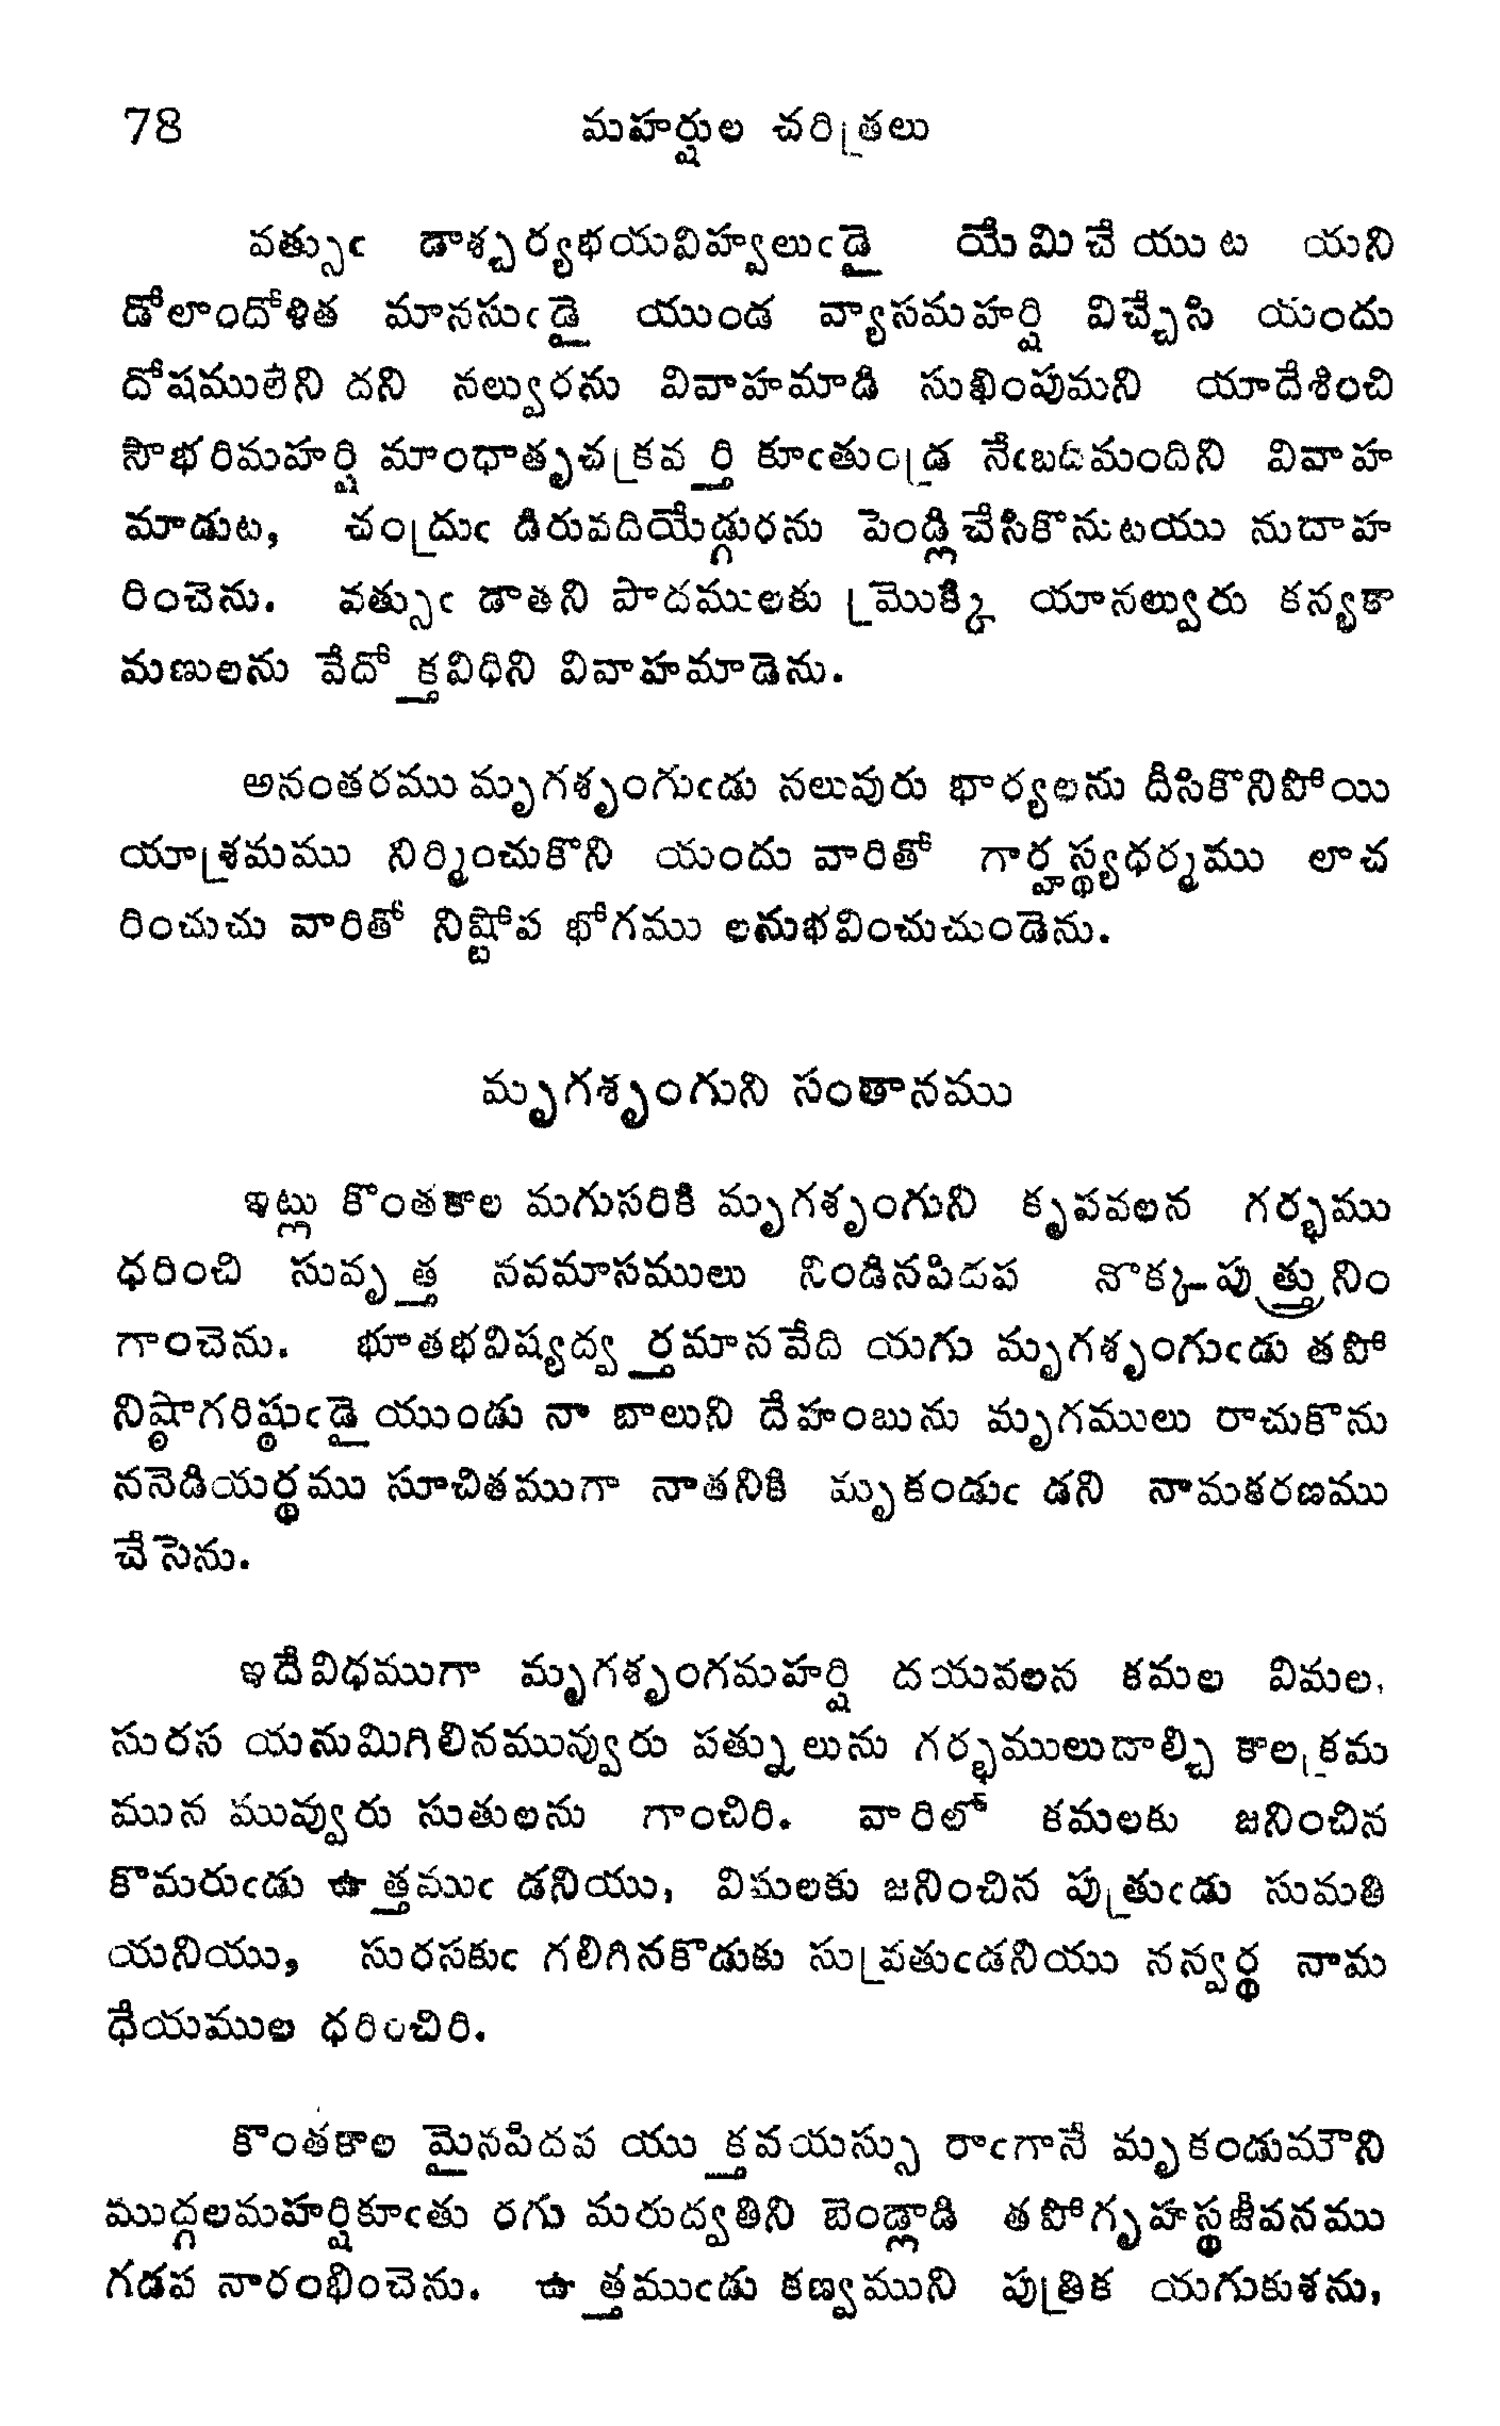వత్సుఁ డాశ్చర్యభయవిహ్వలుఁడై యేమిచేయుట యని డోలాందోళిత మానసుఁడై యుండ వ్యాసమహర్షి విచ్చేసి యందు దోషములేని దని నల్వురను వివాహమాడి సుఖింపుమని యాదేశించి సౌభరిమహర్షి మాంధాతృచక్రవర్తి కూఁతుండ్ర నేఁబదిమందిని వివాహమాడుట, చంద్రుఁ డిరువదియేడ్గురను పెండ్లిచేసికొనుటయు నుదాహరించెను. వత్సుఁ డాతని పాదములకు మ్రొక్కి యానల్వురు కన్యకా మణులను వేదో క్తవిధిని వివాహమాడెను.

అనంతరము మృగశృంగుఁడు నలువురు భార్యలను దీసికొనిపోయి యాశ్రమము నిర్మించుకొని యందు వారితో గార్హస్థ్యధర్మము లాచరించుచు వారితో నిష్టోప భోగము లనుభవించుచుండెను.

మృగశృంగుని సంతానము 

ఇట్లు కొంతకాల మగుసరికి మృగశృంగుని కృపవలన గర్భము ధరించి సువృత్త నవమాసములు నిండినపిదప నొక్క పుత్త్రునిం గాంచెను. భూతభవిష్యద్వర్తమానవేది యగు మృగశృంగుఁడు తపోనిష్ఠాగరిష్ఠుఁడై యుండు నా బాలుని దేహంబును మృగములు రాచుకొను ననెడియర్ధము సూచితముగా నాతనికి మృకండుఁ డని నామకరణము చేసెను.

ఇదేవిధముగా మృగశృంగమహర్షి దయవలన కమల విమల, సురస యనుమిగిలినమువ్వురు పత్నులును గర్భములుదాల్చి కాలక్రమమున మువ్వురు సుతులను గాంచిరి. వారిలో కమలకు జనించిన కొమరుఁడు ఉత్తముఁ డనియు, విమలకు జనించిన పుత్రుఁడు సుమతి యనియు, సురసకుఁ గలిగిన కొడుకు సువ్రతుఁడనియు నన్వర్థ నామధేయముల ధరించిరి.

కొంతకాల మైనపిదప యుక్తవయస్సు రాఁగానే మృకండుమౌని ముద్గలమహర్షికూఁతు రగు మరుద్వతిని బెండ్లాడి తపోగృహస్థజీవనము గడప నారంభించెను. ఉత్తముఁడు కణ్వముని పుత్రిక యగుకుశను,